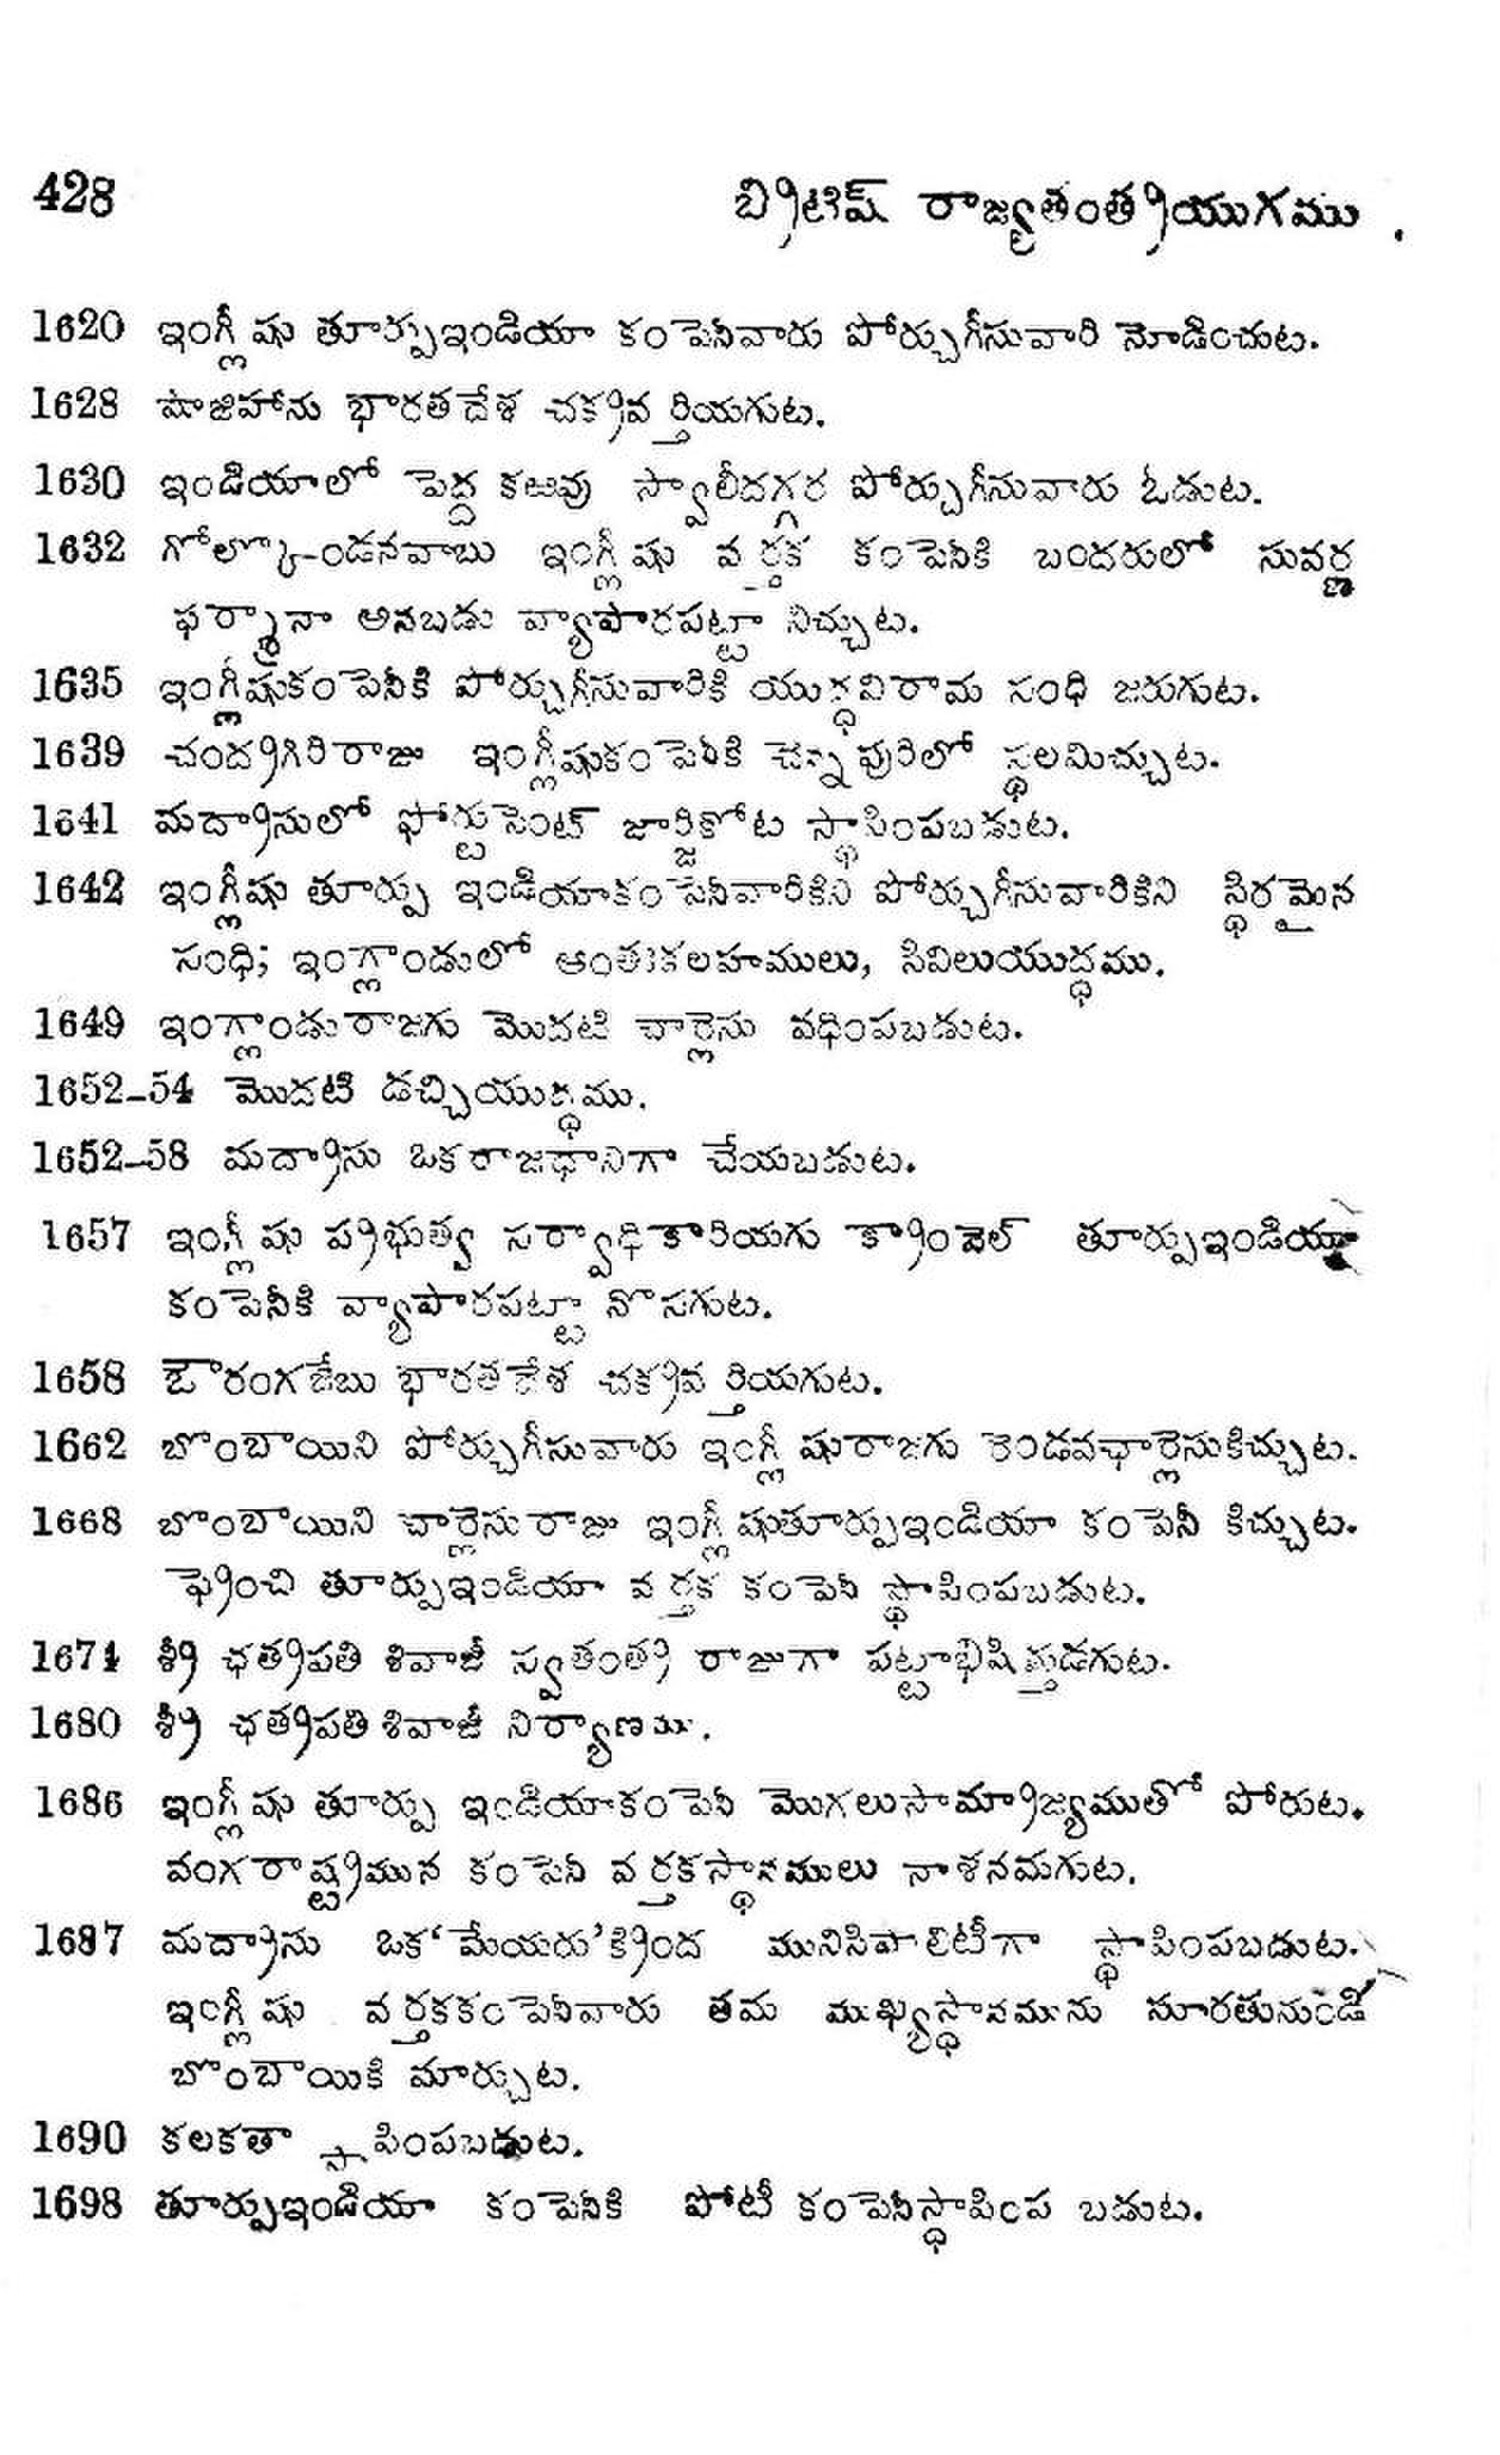1620 ఇంగ్లీషు తూర్పుఇండియా కంపెనీవారు పోర్చుగీసువారి నోడించుట. 

1628 షాజహాను భారతదేశ చక్రవర్తియగుట. 

1630 ఇండియాలో పెద్ద కఱవు స్వాలీదగ్గర పోర్చుగీసువారు ఓడుట. 

1832 గోల్కొండనవాబు ఇంగ్లీషు వర్తక కంపెనీకి బందరులో సువర్ణ ఫర్మానా అనబడు వ్యాపారపట్టా నిచ్చుట. 

1635 ఇంగీషుకంపెనీకి పోర్చుగీసువారికి యుద్ధవిరామ సంధి జరుగుట. 

1639 చంద్రగిరిరాజు ఇంగ్లీషుకంపెనీకి చెన్నపురిలో స్థలమిచ్చుట. 

1641 మద్రాసులో ఫోర్టుసెంట్ జార్జికోట స్టాపింపబడుట, 

1642 ఇంగ్లీషు తూర్పు ఇండియాకంసెనీవారికిని పోర్చుగీసువారికిని స్థిరమైన సంధి; ఇంగ్లాండులో అంతఃకలహములు, సివిలు యుద్దము. 

1649 ఇంగ్లాండు రాజగు మొదటి చార్లెసు వధింపబడుట. 

1652–54 మొదటి డచ్చియుద్ధము. 

1652-58 మద్రాసు ఒక రాజధానిగా చేయబడుట. 

1657 ఇంగ్లీషు ప్రభుత్వ సర్వాధికారియగు క్రాంబెల్ తూర్పుఇండియా కంపెనీకి వ్యాపారపట్టా నొసగుట. 

1658 ఔరంగజేబు భారతదేశ చక్రవర్తియగుట. 

1662 బొంబాయిని పోర్చుగీసువారు ఇంగ్లీషురాజగు రెండవఛార్లెసుకిచ్చుట. 

1668 బొంబాయిని చార్లెసురాజు ఇంగ్లీషుతూర్పుఇండియా కంపెనీ కిచ్చుట. ఫ్రెంచి తూర్పుఇండియా వర్తక కంపెనీ స్థాపింపబడుట. 

1674 శ్రీ ఛత్రపతి శివాజీ స్వతంత్ర రాజుగా పట్టాభిషిక్తుడగుట. 

1680 శ్రీ ఛత్రపతిశివాజీ నిర్యాణము. 

1686 ఇంగ్లీషు తూర్పు ఇండియాకంపెనీ మొగలు సామ్రాజ్యముతో పోరుట. వంగరాష్ట్రమున కంపెనీ వర్తక స్థానములు నాశనమగుట, 

1687 మద్రాసు ఒక 'మేయరు' క్రింద " మునిసిపాలిటీగా స్థాపింపబడుట. ఇంగ్లీషు వర్తకకంపెనీవారు తమ ముఖ్యస్థానమును సూరతునుండి బొంబాయికి మార్చుట. 

1690 కలకత్తా స్థాపింపబడుట. 

1698 తూర్పుఇండియా కంపెనీకి పోటీ కంపెనీ స్థాపింపబడుట.